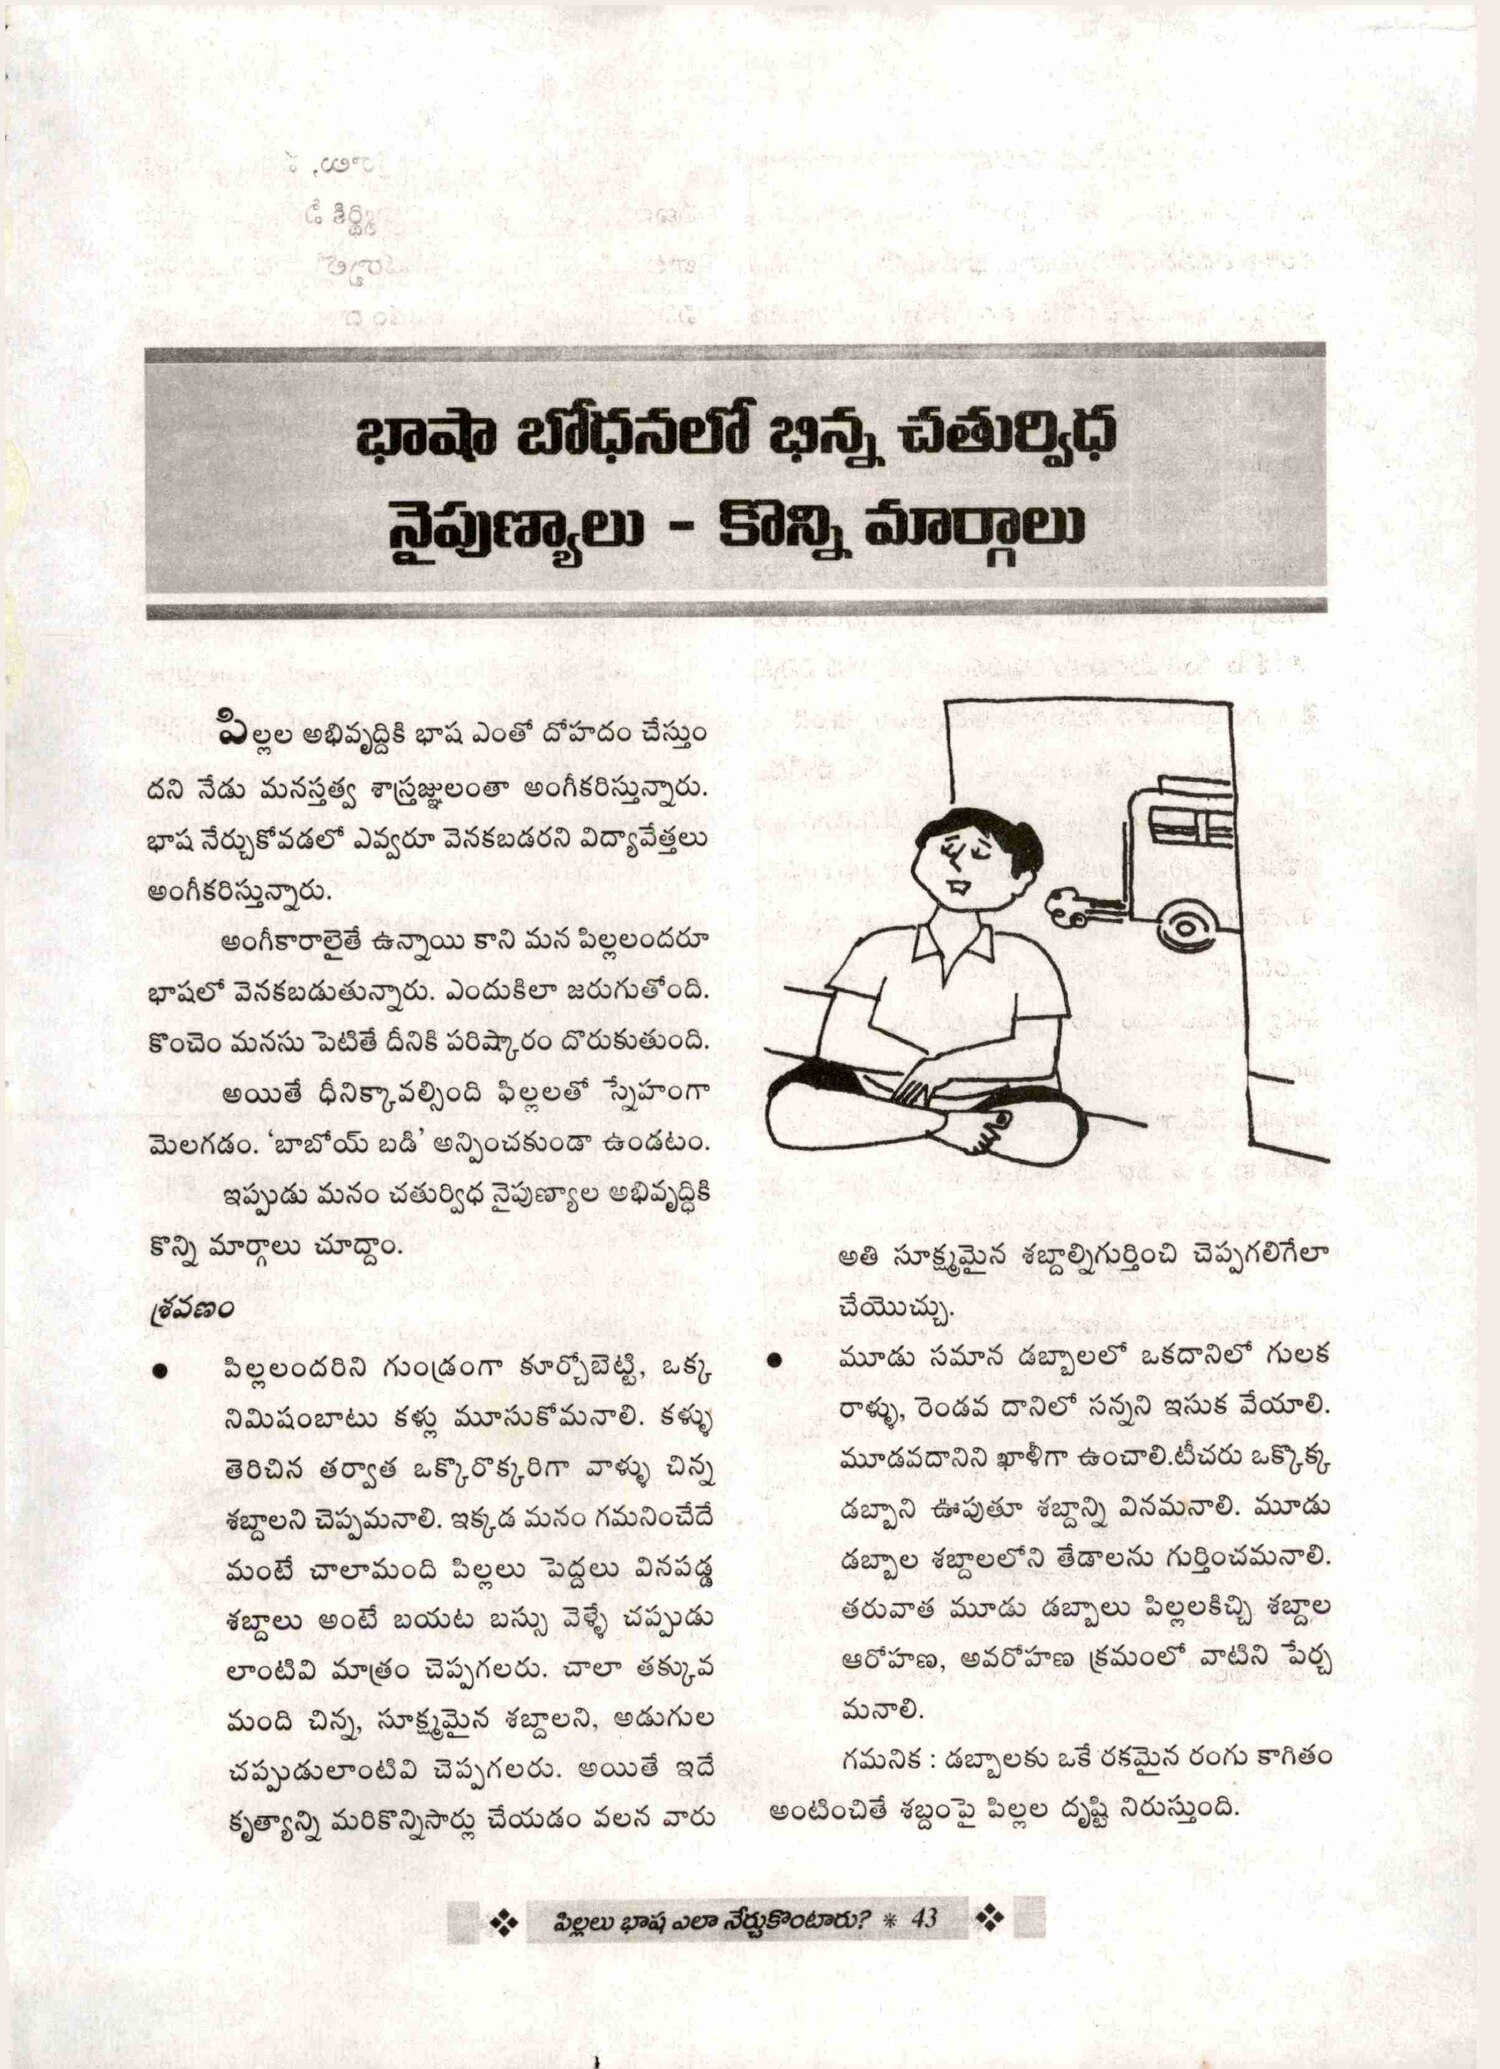భాషా బోధనలో భిన్న చతుర్విధ
నైపుణ్యాలు - కొన్ని మార్గాలు

పిల్లల అభివృద్దికి భాష ఎంతో దోహదం చేస్తుందని నేడు మనస్తత్వ శాస్త్రజ్ఞులంతా అంగీకరిస్తున్నారు. భాష నేర్చుకోవడలో ఎవ్వరూ వెనకబడరని విద్యావేత్తలు అంగీకరిస్తున్నారు.

అంగీకారాలైతే ఉన్నాయి కాని మన పిల్లలందరూ భాషలో వెనకబడుతున్నారు. ఎందుకిలా జరుగుతోంది. కొంచెం మనసు పెట్టితే దీనికి పరిష్కారం దొరుకుతుంది.

అయితే దీనిక్కావల్సింది పిల్లలతో స్నేహంగా మెలగడం. 'బాబోయ్ బడి' అన్పించకుండా ఉండటం.

ఇప్పుడు మనం చతుర్విధ నైపుణ్యాల అభివృద్ధికి కొన్ని మార్గాలు చూద్దాం.

శ్రవణం

● పిల్లలందరిని గుండ్రంగా కూర్చోబెట్టి, ఒక్క నిమిషంబాటు కళ్లు మూసుకోమనాలి. కళ్ళు తెరిచిన తర్వాత ఒక్కొరొక్కరిగా వాళ్ళు చిన్న శబ్దాలని చెప్పమనాలి. ఇక్కడ మనం గమనించేదే మంటే చాలామంది పిల్లలు పెద్దలు వినపడ్డ శబ్దాలు అంటే బయట బస్సు వెళ్ళే చప్పుడు లాంటివి మాత్రం చెప్పగలరు. చాలా తక్కువ మంది చిన్న, సూక్ష్మమైన శబ్దాలని, అడుగుల చప్పుడులాంటివి చెప్పగలరు. అయితే ఇదే కృత్యాన్ని మరికొన్నిసార్లు చేయడం వలన వారు అతి సూక్ష్మమైన శబ్దాల్నిగుర్తించి చెప్పగలిగేలా చేయొచ్చు.

● మూడు సమాన డబ్బాలలో ఒకదానిలో గులకరాళ్ళు, రెండవ దానిలో సన్నని ఇసుక వేయాలి. మూడవదానిని ఖాళీగా ఉంచాలి. టీచరు ఒక్కొక్క డబ్బాని ఊపుతూ శబ్దాన్ని వినమనాలి. మూడు డబ్బాల శబ్దాలలోని తేడాలను గుర్తించమనాలి. తరువాత మూడు డబ్బాలు పిల్లలకిచ్చి శబ్దాల ఆరోహణ, అవరోహణ క్రమంలో వాటిని పేర్చ మనాలి.

గమనిక : డబ్బాలకు ఒకే రకమైన రంగు కాగితం అంటించితే శబ్దంపై పిల్లల దృష్టి నిరుస్తుంది.